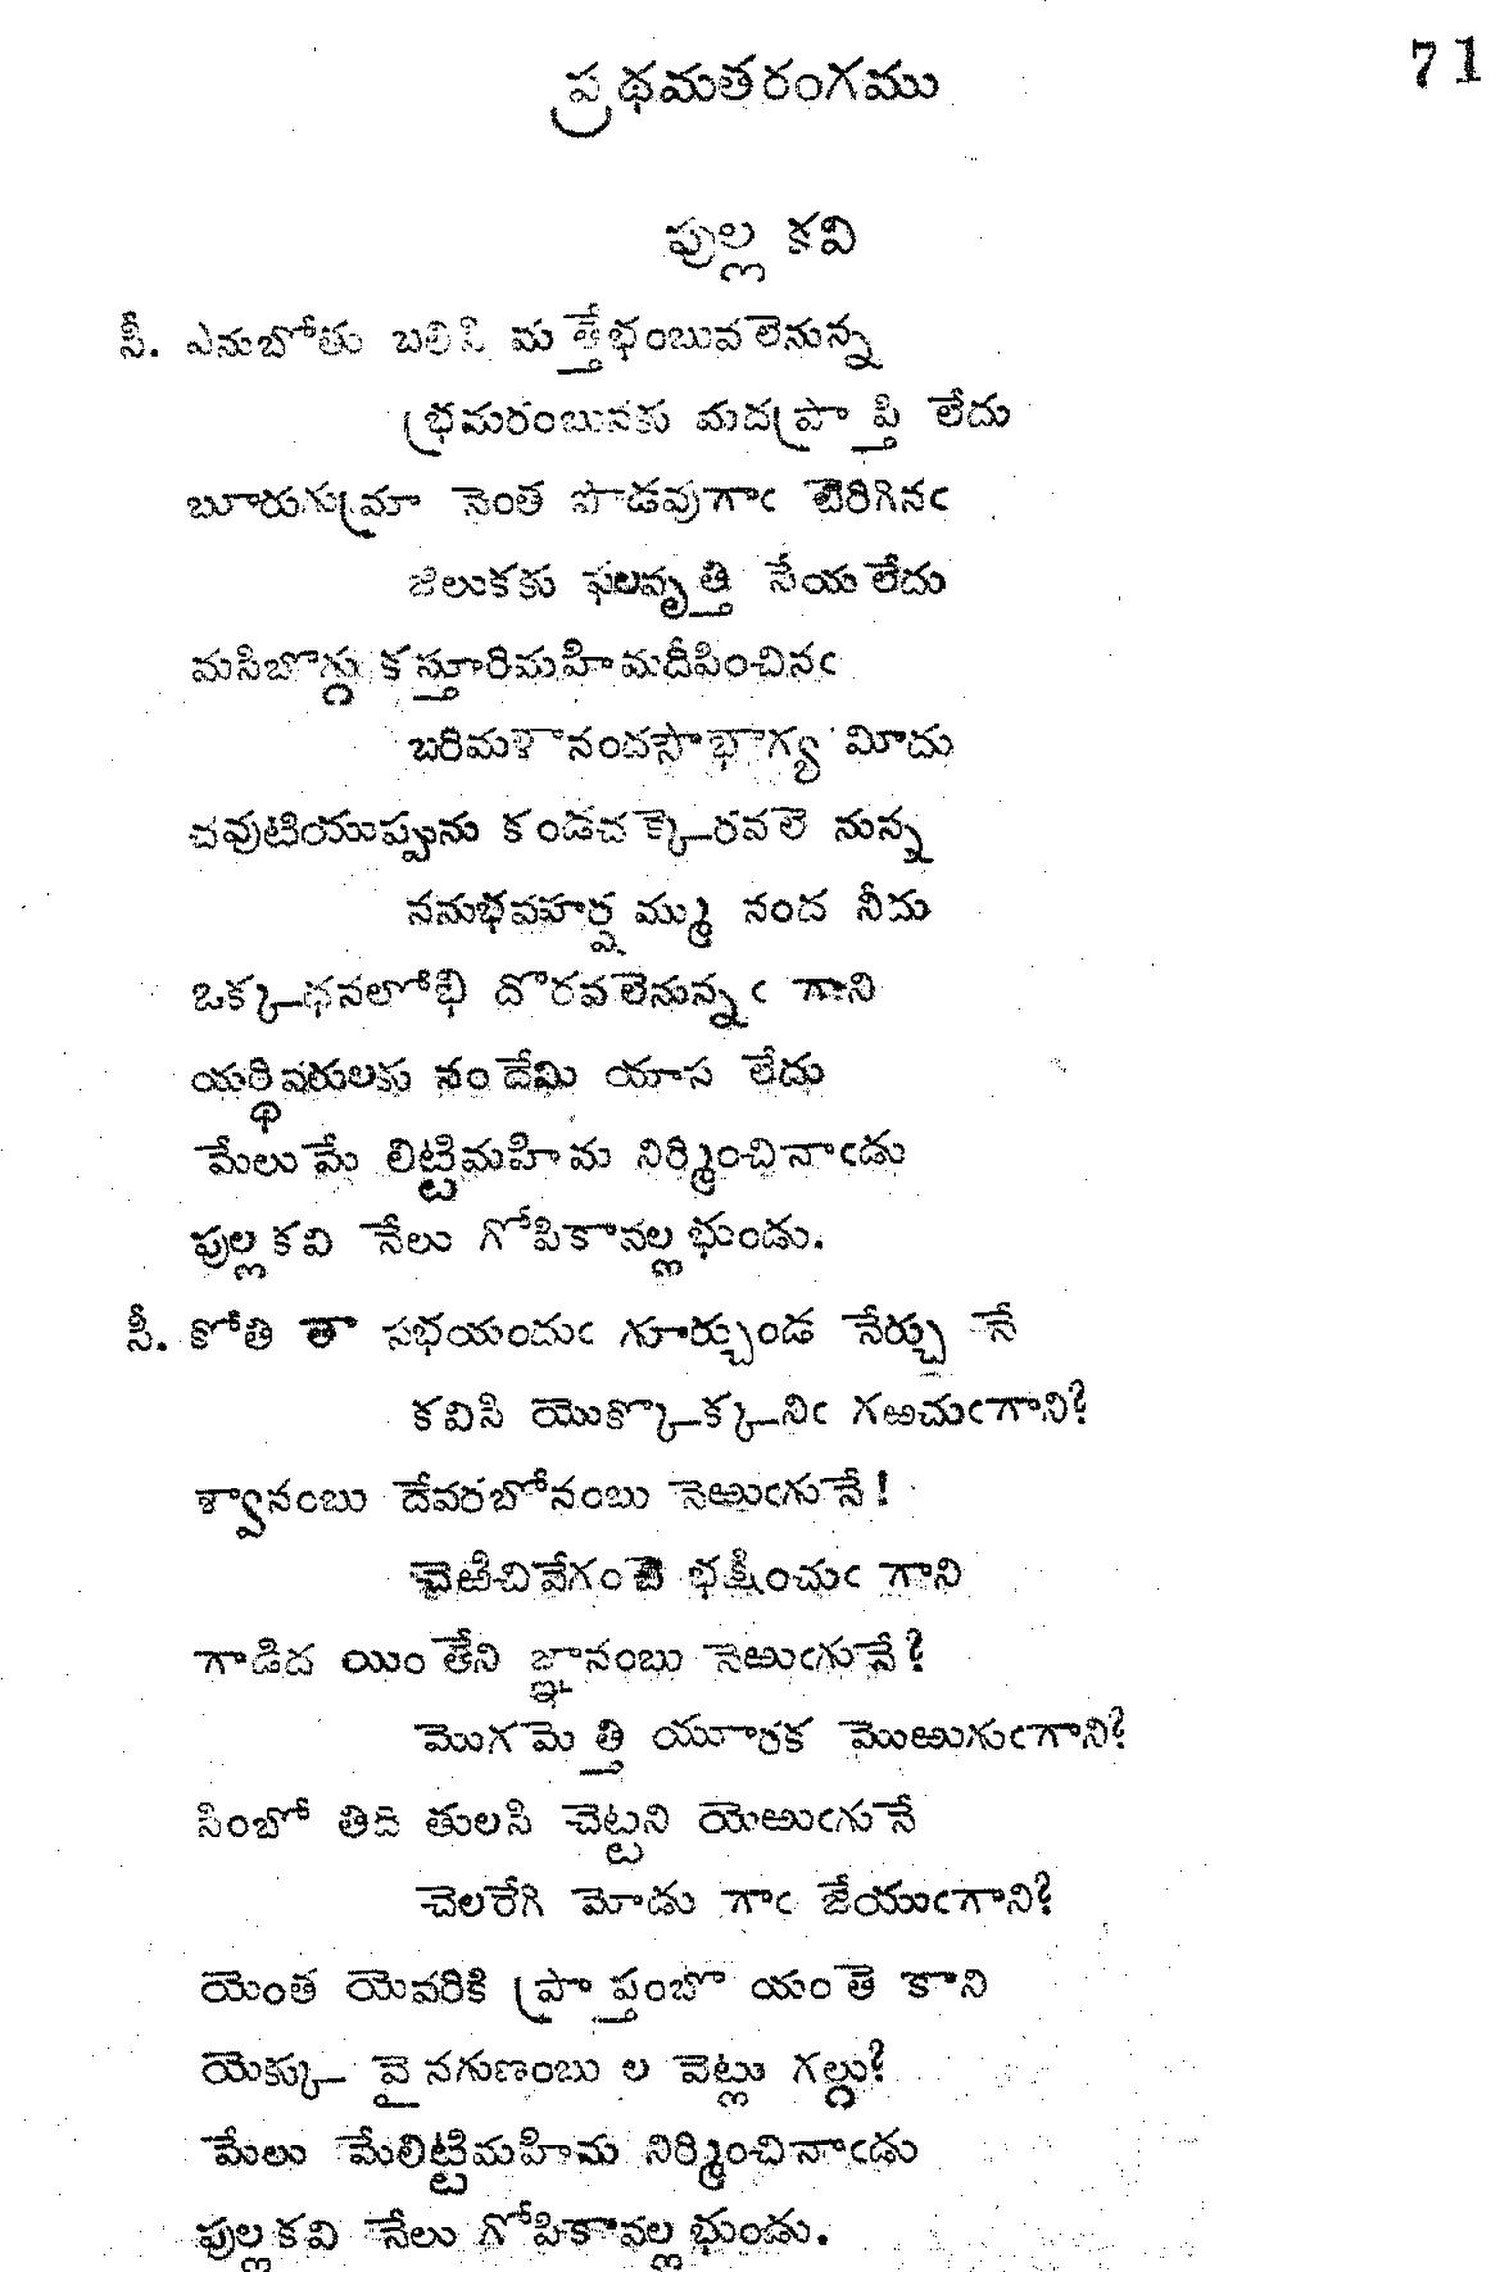సీ. ఎనుబోతు బలిసి మత్తేభంబువలె నున్న
 భ్రమరంబునకు మదప్రాప్తి లేదు
 బూరుగుమ్రా నెంత పొడవుగాఁ బెరిగినఁ
 జిలుకకు ఫలవృత్తి సేయలేదు
 మసిబొగ్గు కస్తూరిమహిమ దీపించినఁ
 బరిమళానందసౌభాగ్య మీదు
 చవుటియుప్పును కండచక్కెరవలె నున్న
 ననుభవహర్షమ్ము నంద నీదు
 ఒక్కధనలోభి దొరవలెనున్నఁ గాని
 యర్థివరులకు నందేమి యాస లేదు
 మేలుమే లిట్టిమహిమ నిర్మించినాఁడు
 పుల్లకవి నేలు గోపికావల్లభుండు.

సీ. కోతి తా సభయందుఁ గూర్చుండ నేర్చు నే
 కవిసి యొక్కొక్కనిఁ గఱచుఁగాని?
 శ్వానంబు దేవరబోనంబు నెఱుఁగునే!
 చెఱిచి వేగంబె భక్షించుఁ గాని?
 గాడిద యింతేని జ్ఞానంబు నెఱుఁగునే!
 మొగమెత్తి యూరక మొఱుగుఁగాని?
 సింబో తిది తులసి చెట్టని యెఱుఁగునే
 చెలరేగి మోడు గాఁ జేయుఁగాని?
 యెంత యెవరికి ప్రాప్తంబొ యంతె కాని
 యెక్కు వైనగుణంబు ల వెట్లు గల్గు?
 మేలుమే లిట్టిమహిమ నిర్మించినాఁడు
 పుల్లకవి నేలు గోపికావల్లభుండు.